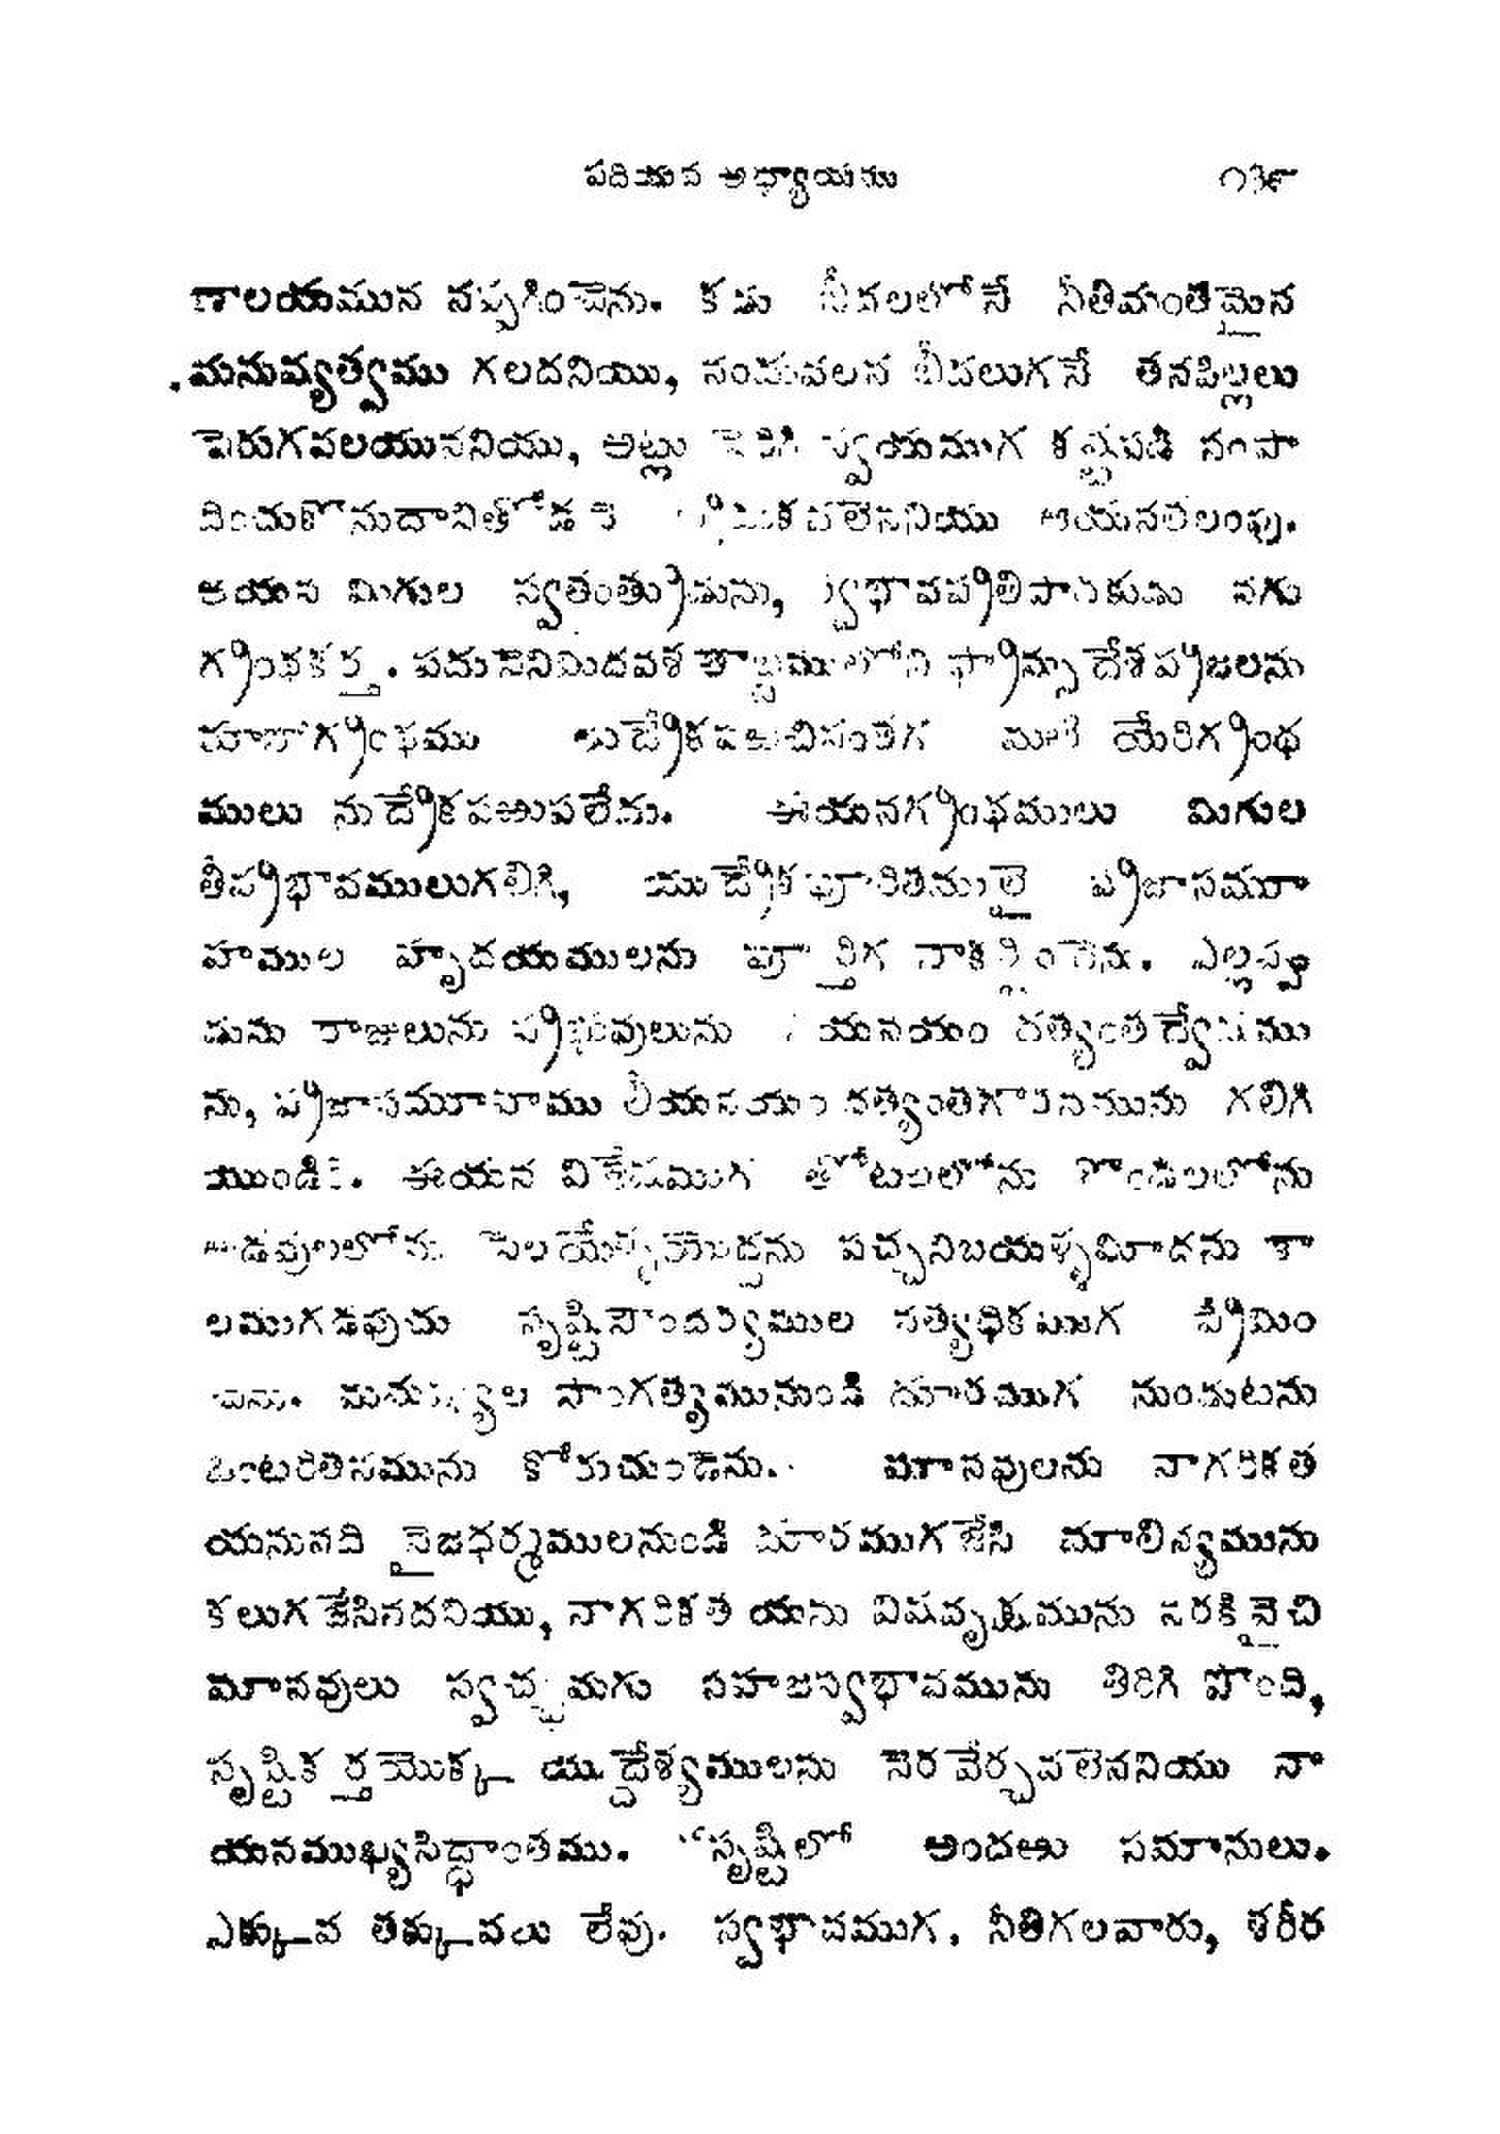ణాలయమున నప్పగించెను. బీదలతోనే నీతిమంతమైన
మనుషత్వము గలదనియు, నందులకు వలన బీదలుగనే తనపిల్లలు
పెరుగ వలయుననియు, అట్లు పెరిగి స్వయముగ కష్టపడి సంపా
దించుకొను దానితో డనే........ కదలనియు ఆయన తలంపు ,
ఆయన మిగుల స్వతంత్రుడును, స్వభావ ప్రతిసాధకుడు నగు
గ్రంథకర్త . పదునిమిదవశతాబ్దములోని ఫ్రాన్సు దేశ ప్రజలను
రూసో గ్రంథము నుద్రేక పరిచినంతగ మరి యేరి గ్రంథములు 
నుద్రేక పణుపలేదు. ఈయనగ్రంథములు మిగుల
తీవ్రభావములుగలిగి, యుద్రేక పూరితములై ప్రజా సమూ
హముల హృదయములను పూర్తిగ నాకర్షించెను. ఎల్లప్పు
డును రాజులును, ప్రభువులును మనయంర్య ద్వేషమును
ప్రజా సమూహము లీయన యందత్యంత గౌరవమును, గలిగి 
యుండిరి. ఈయన విశేషముగా తోటలలోను కొండలలోను
అడవుల లోను: శలయేళ్ళ వద్దను పచ్చిని బయళ్ళమీదను ”
కాలము గడుపుచు సృష్టి సౌందర్య ముల సత్యధిక ముగ ప్రేమిం
చును. మనుష్యుల సొంగత్యము నుండి దూరముగ నుండుటను
ఒంటరి తనమును కోరుచుండెను. మానవులను నాగరికత
యనునది వైజధర్మములనుండి దూరముగ జేసి మాలిన్యమును
కలుగ జేసినదనియు, నాగరికత యను విషవృక్షమును సరకి వైచి
మానవులు స్వచ్చమగు సహజస్వభావమును తిరిగి పొంది,
సృష్టికర్త యొక్క యుదేశ్యములను నెరవేర్చవలెవ్బ్ననియు నా
యనముఖ్య సిద్ధాంతము. “సృష్టిలో అందరు సమానులు, ఎక్కువ 
తక్కువలు లేవు. స్వభావముగ, నీతిగలవారు, శరీర